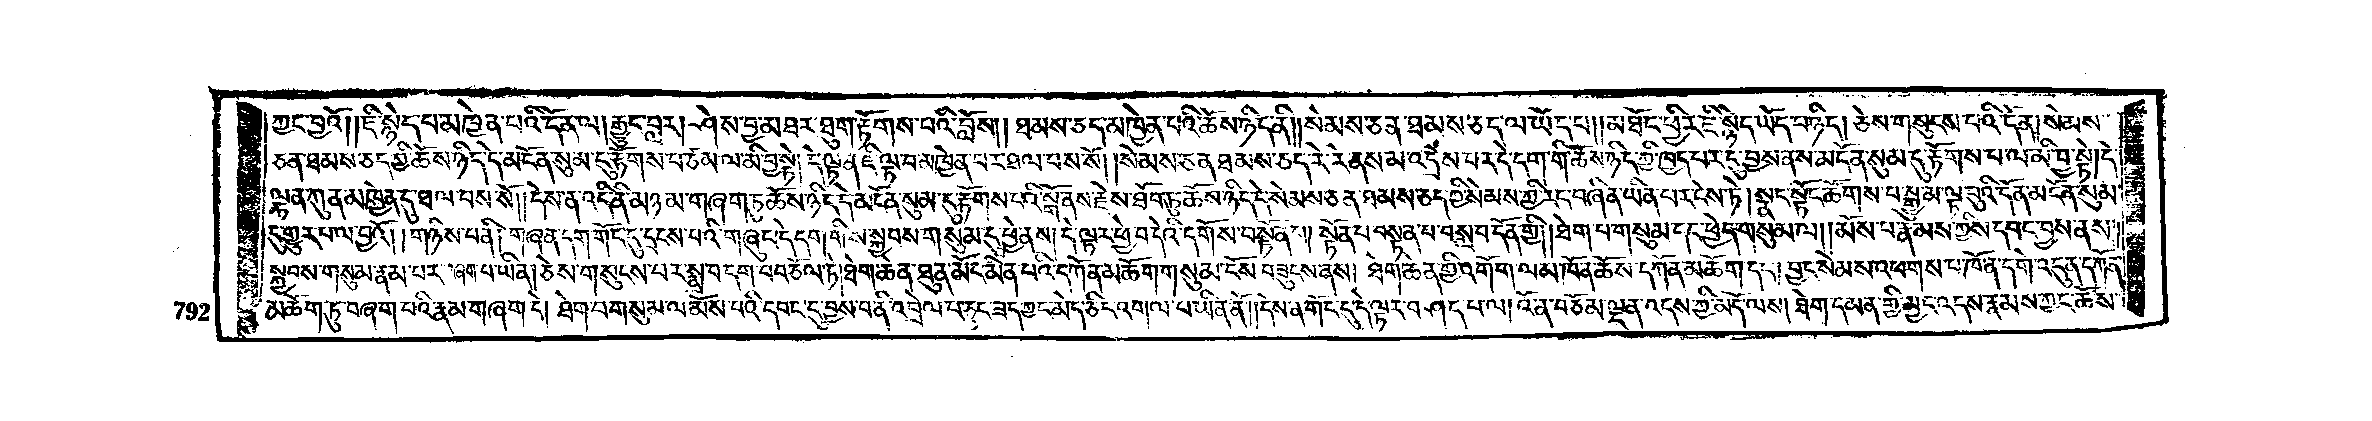ཀྱང་བྱའོ། །ཇི་སྙེད་པ་མཁྱེན་པའི་དོན་ལ། རྒྱུད་བླར། ཤེས་བྱ་མཐར་ཐུག་རྟོགས་པའི་བློས། །ཐམས་ཅད་མཁྱེན་པའི་ཆོས་ཉིད་ནི། །སེམས་ཅན་ཐམས་ཅད་ལ་ཡོད་པ། །མཐོང་ཕྱིར་ཇི་སྙེད་ཡོད་པ་ཉིད། ཅེས་གསུངས་པའི་དོན། སེམས་
ཅན་ཐམས་ཅད་ཀྱི་ཆོས་ཉིད་དེ་མངོན་སུམ་དུ་རྟོགས་པ་ཙམ་ལ་མི་བྱ་སྟེ། དེ་ལྟ་ན་ཇི་ལྟ་བ་མཁྱེན་པར་ཐལ་བས་སོ། །སེམས་ཅན་ཐམས་ཅད་རེ་རེ་ནས་མ་འདྲེས་པར་དེ་དག་གི་ཆོས་ཉིད་ཀྱི་ཁྱད་པར་དུ་བྱས་ནས་མངོན་སུམ་དུ་རྟོགས་པ་ལ་མི་བྱ་སྟེ། དེ་
ལྟར་ཀུན་མཁྱེན་དུ་ཐལ་བས་སོ། །དེས་ན་འདི་ནི་མཉམ་གཞག་ཏུ་ཆོས་ཉིད་དེ་མངོན་སུམ་དུ་རྟོགས་པའི་སྒོ་ནས་རྗེས་ཐོབ་ཏུ་ཆོས་ཉིད་དེ་སེམས་ཅན་ཐམས་ཅད་ཀྱི་སེམས་ཀྱི་རང་བཞིན་ཡིན་པར་ངེས་ཏེ། སྣང་སྟོང་ཚོགས་པ་སྒྱུ་མ་ལྟ་བུའི་དོན་མངོན་སུམ་
དུ་གྱུར་པ་ལ་བྱའོ། །གཉིས་པ་ནི། གཞན་དག་གོང་དུ་དྲངས་པའི་གཞུང་དེ་དག་གིས་སྐྱབས་གསུམ་དུ་ཕྱེ་ནས། དེ་ལྟར་ཕྱེ་བ་དེའི་དགོས་བསྟོན་པ། སྟོན་པ་བསྟན་པ་བསླབ་དོན་གྱི། །ཐེག་པ་གསུམ་དང་ཕྱེད་གསུམ་ལ། །མོས་པ་རྣམས་ཀྱིས་དབང་བྱས་ནས།
སྐྱབས་གསུམ་རྣམ་པར་བཞག་པ་ཡིན། ཅེས་གསུངས་པར་སྨྲ་བ་དག་བབ་བཅོལ་ཏེ། ཐེག་ཆེན་ཐུན་མོང་མིན་པའི་དཀོན་མཆོག་གསུམ་ངོས་བཟུངས་ནས། ཐེག་ཆེན་གྱི་འགོག་ལམ་ཁོ་ན་ཆོས་དཀོན་མཆོག་དང་། བྱང་སེམས་འཕགས་པ་ཁོ་ན་དགེ་འདུན་དཀོན་
མཆོག་ཏུ་བཞག་པའི་རྣམ་གཞག་དེ། ཐེག་པ་གསུམ་ལ་མོས་པའི་དབང་དུ་བྱས་པ་ནི་འབྲེལ་བ་ཅུང་ཟད་ཀྱང་མེད་ཅིང་འགལ་བ་ཡིན་ནོ། །དེས་ན་གོང་དུ་དེ་ལྟར་བཤད་པ་ལ། འོ་ན་བཅོམ་ལྡན་འདས་ཀྱི་མདོ་ལས། ཐེག་དམན་གྱི་མྱང་འདས་རྣམས་ཀྱང་ཆོས་